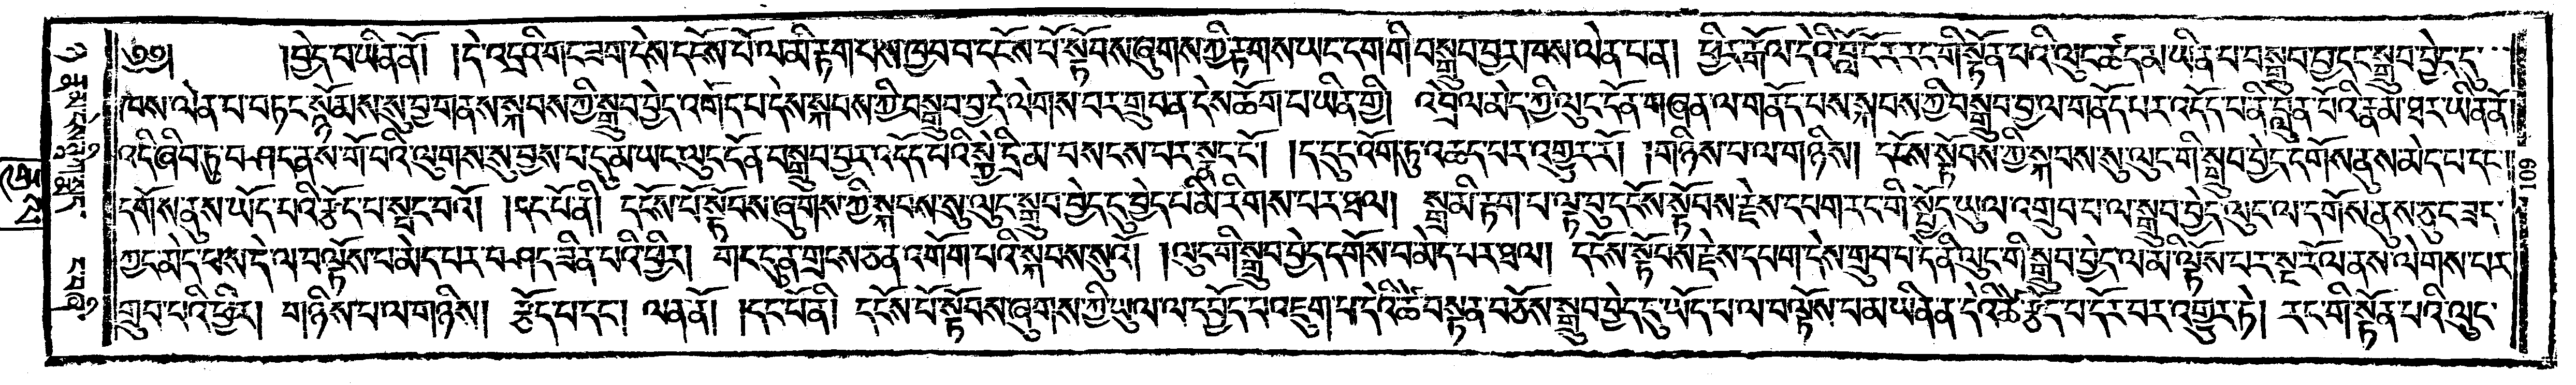༄༅། །བྱེད་པ་ཡིན་ནོ། །དེ་འདྲའི་གང་ཟག་དེས་དངོས་པོ་ལ་མི་རྟག་པས་ཁྱབ་པ་དངོས་པོ་སྟོབས་ཞུགས་ཀྱི་རྟགས་ཡང་དག་གི་བསྒྲུབ་བྱར་ཁས་ལེན་པ་ན། ཕྱིར་རྒོལ་དེའི་བློ་ངོར་རང་གི་སྟོན་པའི་ལུང་ཚད་མ་ཡིན་པ་བསྒྲུབ་བྱ་དང་སྒྲུབ་བྱེད་དུ་
ཁས་ལེན་པ་བཏང་སྙོམས་སུ་བྱ་གནས་སྐབས་ཀྱི་སྒྲུབ་བྱེད་འགོད་པ་དེས་སྐབས་ཀྱི་བསྒྲུབ་བྱ་དེ་ལེགས་པར་གྲུབ་ན་དེས་ཆོག་པ་ཡིན་གྱི། འབྲེལ་མེད་ཀྱི་ལུང་དོན་གཞན་ལ་གནོད་པས་སྐབས་ཀྱི་བསྒྲུབ་བྱ་ལ་གནོད་པར་འདོད་པ་ནི་བླུན་པོའི་རྣམ་ཐར་ཡིན་ནོ།
འདི་ཞིབ་ཏུ་བཤད་ནས་གོ་བའི་ལུགས་སུ་བྱས་པ་དུ་མ་ཡང་ལུང་དོན་བསྒྲུབ་བྱར་འདོད་པའི་སྐྱེ་དྲི་མ་བསངས་པར་སྣང་ངོ། །ད་དུང་འོག་ཏུ་འཆད་པར་འགྱུར་རོ། །གཉིས་པ་ལ་གཉིས། དངོས་སྟོབས་ཀྱིས་སྐབས་སུ་ལུང་གི་སྒྲུབ་བྱེད་དགོས་ནུས་མེད་པ་དང་
དགོས་ནུས་ཡོད་པའི་རྩོད་པ་སྤང་པའོ། །དང་པོ་ནི། དངོས་པོ་སྟོབས་ཞུགས་ཀྱི་སྐབས་སུ་ལུང་སྒྲུབ་བྱེད་དུ་བྱེད་པ་མི་རིགས་པར་ཐལ། སྒྲ་མི་རྟག་པ་ལྟ་བུ་དངོས་སྟོབས་རྗེས་དཔག་རང་གི་སྤྱོད་ཡུལ་འགྲུབ་པ་ལ་སྒྲུབ་བྱེད་ལུང་ལ་དགོས་ནུས་ཅུང་ཟད་
ཀྱང་མེད་པས་དེ་ལ་བལྟོས་པ་མེད་པར་བཤད་ཟིན་པའི་ཕྱིར། གང་དུ་ན་གྲངས་ཅན་འགོག་པའི་སྐབས་སུའོ། །ལུང་གི་སྒྲུབ་བྱེད་དགོས་པ་མེད་པར་ཐལ། དངོས་སྟོབས་རྗེས་དཔག་དེས་གྲུབ་པ་དེ་ནི་ལུང་གི་སྒྲུབ་བྱེད་ལ་མི་ལྟོས་པར་སྔ་རོལ་ནས་ལེགས་པར་
གྲུབ་པའི་ཕྱིར། གཉིས་པ་ལ་གཉིས། རྩོད་པ་དང་། ལན་ནོ། །དང་པོ་ནི། དངོས་པོ་སྟོབས་ཞུགས་ཀྱི་ཡུལ་ལ་དཔྱོད་པ་འཇུག་པ་དེའི་ཚེ་བསྟན་བཅོས་སྒྲུབ་བྱེད་དུ་ཡོད་པ་ལ་བལྟོས་པ་མ་ཡིན་དེའི་ཚེ་རྩོད་པ་དོར་བར་འགྱུར་ཏེ། རང་གི་སྟོན་པའི་ལུང་